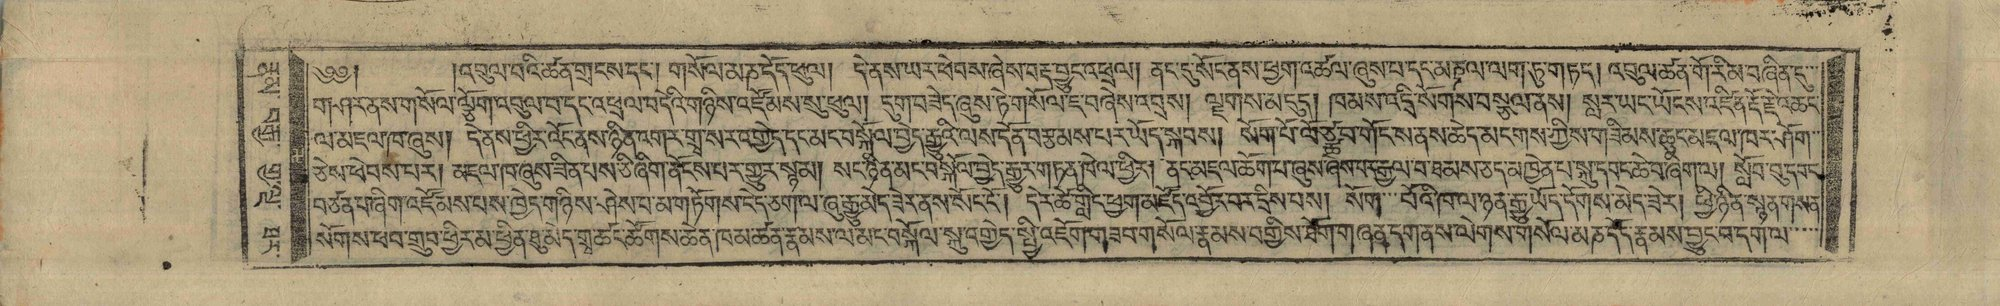༄༅། །འབུལ་བའི་ཚན་གྲངས་དང་། གསོལ་མཎ་དོད་ཕུལ། དེ་ནས་ཡར་ཕེབས་ཞེས་བརྡ་བྱུང་འཕྲལ། ནང་དུ་སོང་ནས་ཕྱག་འཚལ་ཞུས་པ་དང་མཎྜལ་ལག་ཏུ་གཏད། འབུལ་ཚན་གོ་རིམ་བཞིན་དུ་
གཤར་ནས་གསོལ་ལྕོག་འབུལ་བ་དང་འཕྲལ་བདེའི་གཉིས་འཛོམས་སུ་ཕུལ། དུག་བཟེར་ཞུས་ཏེ་གསོལ་ཇ་བཞེས་འབྲས། ལྗགས་མདུད། ཁམས་འདྲི་སོགས་བསྩལ་ནས། སླར་ཡང་ཡོངས་འཛིན་རྡོ་རྗེ་འཆང་
ལ་མཇལ་ཁ་ཞུས། དེ་ནས་ཕྱིར་འོང་ནས་ཉིན་འགར་གྲྭ་སར་འགྱེད་དང་མང་བསྐོལ་བྱེད་རྒྱུའི་ལས་དོན་བརྩམས་པར་ཡོད་སྐབས། སོག་པོ་ལོ་ཙྪ་བ་གོང་ས་ནས་ཆེད་མངགས་ཀྱིས་གཟིམས་ཆུང་མཇལ་ཁར་ཤོག་
ཅེས་ཕེབས་པར། མཇལ་ཁ་ཞུས་ཟིན་པས་ཅི་ཞིག་ནོངས་པར་གྱུར་སྟམ། སང་ཉིན་མང་བསྐོལ་བྱེད་རྒྱུར་གཏན་ཁེལ་ཕྱིར། ནང་མཇལ་ཆོག་པ་ཞུས་ཞེས་པར་རྒྱལ་བ་ཐམས་ཅད་མཁྱེན་པ་སྐུ་དབང་ཆེ་བ་ཞིག་ལ། སློབ་བུ་དབང་
བཙན་པ་ཞིག་འཛོམས་པས་ཁྱེད་གཉིས་ཤེས་པ་མ་གཏོགས་ངེད་ཅག་ལ་ཞུ་རྒྱུ་མེད་ཟེར་ནས་སོང་ངོ། དེར་ཚེ་གླིང་ཕྱག་མཛོད་འབྱོར་བར་དྲིས་པས། སོག་པོའི་ཁ་ལ་ཉན་རྒྱུ་ཡོད་དོགས་མེད་ཟེར། ཕྱི་ཉིན་སྙན་གསན་
སོགས་ཕབ་གྲུབ་ཕྱིར་མ་ཕྱིན་ཐུ་མེད་གྲྭ་ཚང་ཚོགས་ཆེན་ཁམ་ཚན་རྣམས་ལ་མང་བསྐོལ་སྐུ་འགྱེད་སྤྱི་འཇོག་གཟབ་གསོལ་རྣམས་བགྱིས་ཐོག་གཞན་དག་ནས་ལེགས་གསོལ་མཎ་དོད་རྣམས་བྱུང་བ་དག་ལ་